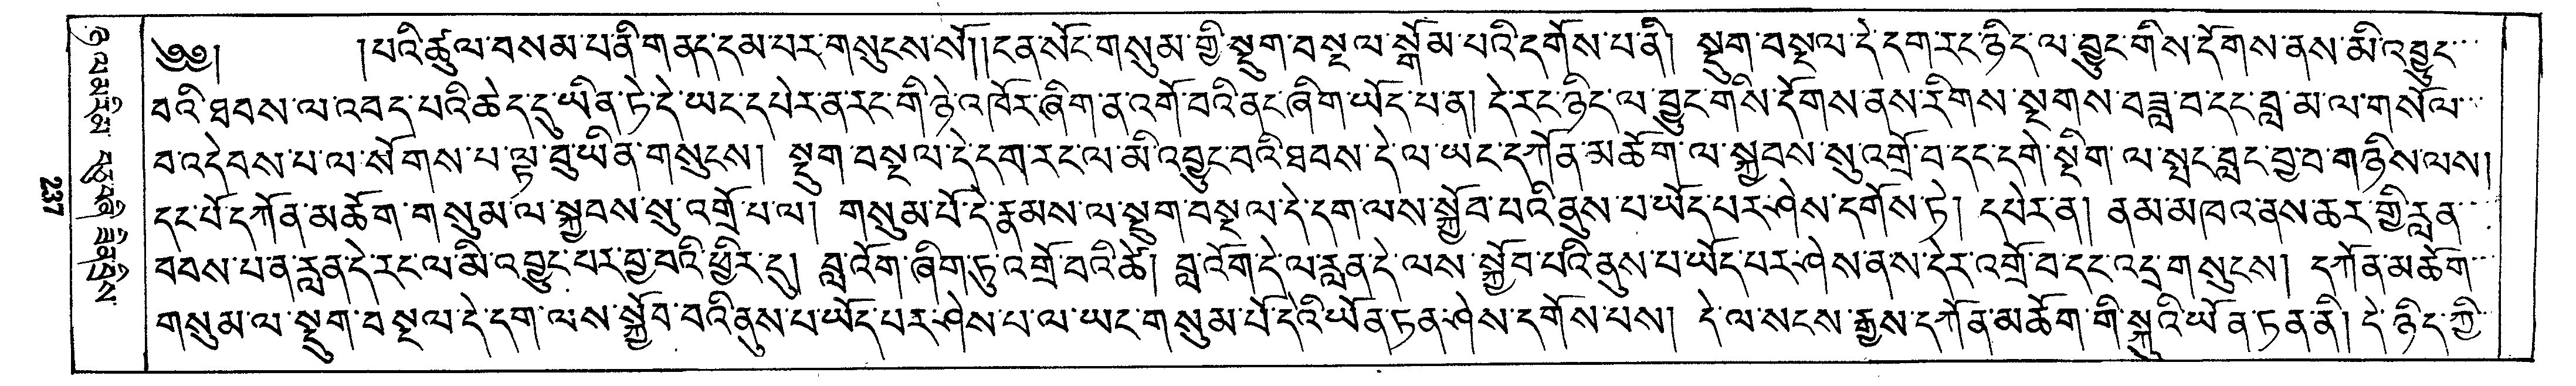༄༅། །པའི་ཚུལ་བསམ་པ་ནི་གནད་དམ་པར་གསུངས་སོ། །ངན་སོང་གསུམ་གྱི་སྡུག་བསྔལ་སྒོམ་པའི་དགོས་པ་ནི། སྡུག་བསྔལ་དེ་དག་རང་ཉིད་ལ་བྱུང་གིས་དོགས་ནས་མི་འབྱུང་
བའི་ཐབས་ལ་འབད་པའི་ཆེད་དུ་ཡིན་ཏེ་དེ་ཡང་དཔེར་ན་རང་གི་ཉེ་འཁོར་ཞིག་ན་འགོ་བའི་ནད་ཞིག་ཡོད་པ་ན། དེ་རང་ཉིད་ལ་བྱུང་གིས་དོགས་ནས་རིགས་སྔགས་བཟླ་བ་དང་བླ་མ་ལ་གསོལ་
བ་འདེབས་པ་ལ་སོགས་པ་ལྟ་བུ་ཡིན་གསུངས། སྡུག་བསྔལ་དེ་དག་རང་ལ་མི་འབྱུང་བའི་ཐབས་དེ་ལ་ཡང་དཀོན་མཆོག་ལ་སྐྱབས་སུ་འགྲོ་བ་དང་དགེ་སྡིག་ལ་སྤང་བླང་བྱ་བ་གཉིས་ལས།
དང་པོ་དཀོན་མཆོག་གསུམ་ལ་སྐྱབས་སུ་འགྲོ་བ་ལ། གསུམ་པོ་དེ་རྣམས་ལ་སྡུག་བསྔལ་དེ་དག་ལས་སྐྱོབ་པའི་ནུས་པ་ཡོད་པར་ཤེས་དགོས་ཏེ། དཔེར་ན། ནམ་མཁའ་ནས་ཆར་གྱི་རླན་
བབས་པ་ན་རླན་དེ་རང་ལ་མི་འབྱུང་བར་བྱ་བའི་ཕྱིར་དུ། བླ་འོག་ཞིག་ཏུ་འགྲོ་བའི་ཚེ། བླ་འོག་དེ་ལ་རླན་དེ་ལས་སྐྱོབ་པའི་ནུས་པ་ཡོད་པར་ཤེས་ནས་དེར་འགྲོ་བ་དང་འདྲ་གསུངས། དཀོན་མཆོག་
གསུམ་ལ་སྡུག་བསྔལ་དེ་དག་ལས་སྐྱོབ་པའི་ནུས་པ་ཡོད་པར་ཤེས་པ་ལ་ཡང་གསུམ་པོ་དེའི་ཡོན་ཏན་ཤེས་དགོས་པས། དེ་ལ་སངས་རྒྱས་དཀོན་མཆོག་གི་སྐུའི་ཡོན་ཏན་ནི། དེ་ཉིད་ཀྱི་